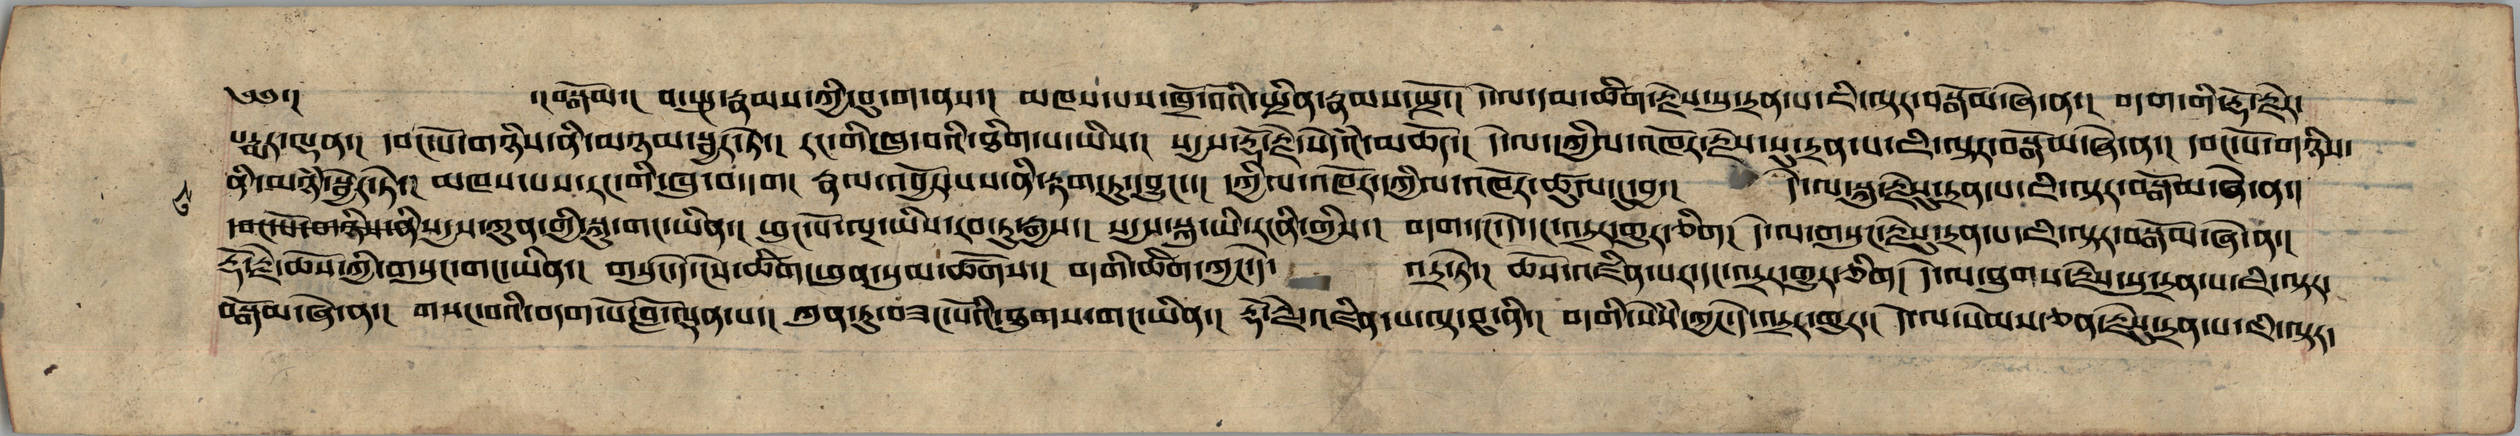༄༅་། ་།བསྒོམ་། བ་སྤུ་རྣམས་ཀྱི་བུ་ག་ནས་། མཁས་པས་ཁྲོ་བོའི་སྤྲིན་རྣམས་སྤྲོ་། དེ་ལ་དམ་ཚིག་རྗེས་སུ་དྲན་པ་ཇི་ལྟར་བསྒོམ་ཞེ་ན་། བདག་གི་རྡོ་རྗེར་
པདྨར་ལྡན་། དབང་པོ་གཉིས་ནི་མཉམ་སྦྱོར་ཏེ་། རང་གི་ཁུ་བའི་ཐིག་པ་ཡིས་། སདྱས་རྡོ་རྗེ་སེདཾའ་མཆོད་། དེ་ལ་དཀྱིལ་འཁོར་རྗེས་སུ་དྲན་པ་ཇི་ལྟར་བསྒོམ་ཞེ་ན་། དབང་པོ་གཉིས་
ནི་མཉཾ་སྦྱོར་ཏེ་། མཁས་པས་རང་གི་ཁུ་བ་དག། རྣལ་འབྱོར་པས་ནི་རྟག་ཏུ་འབྱུང་་། དཀྱིལ་འཁོར་དཀྱིལ་འཁོར་ཚུལ་དུ་བྱ་། དེ་ལ་སྐུ་རྗེསུ་དྲན་པ་ཇི་ལྟར་བསྒོམ་ཞེ་ན་།
དབང་པོ་གཉིས་ནི་སདྱས་ཀུན་གྱི་སྐུ་གང་ཡིན་། ཕུང་པོ་ལྔ་ཡིས་རབ་ཏུ་རྒྱས་། སདྱས་སྐུ་ཡི་རངིན་གྱིས་། བདག་དང་དེ་དང་འདྲར་གྱུར་ཅིག། དེ་ལ་གསུང་རྗེསུ་དྲན་པ་ཇི་ལྟརབསྒོམ་ཞེ་ན་།
རྡོ་རྗེ་ཆོས་ཀྱི་གསུངས་གང་ཡིན་། གསུང་དེ་ངེས་ཚིག་ཕུན་སུམ་ཚོགས་། བདག་གི་ཚིག་ཀྱང་དེ་ འདྲ་ཏེ་། ཆོས་འཛིན་པར་དང་འདྲར་གྱུར་ཅིག། དེ་ལ་ཐུགས་རྗེས་སུ་དྲན་པ་ཇི་ལྟར་
བསྒོམ་ཞེ་ན་། གསང་བའི་བདག་པོ་བློ་ལྡན་པ་། ཀུན་ཏུ་བཟང་པོའི་ཐུགས་གང་ཡིན་། རྡོ་རྗེ་འཛིན་པ་ལྟ་བུ་ནི་། བདགི་སེཾས་ཀྱང་དེ་འདྲར་གྱུར་། དེ་ལ་སེམས་ཅན་རྗེསུ་དྲན་པ་ཇི་ལྟར་